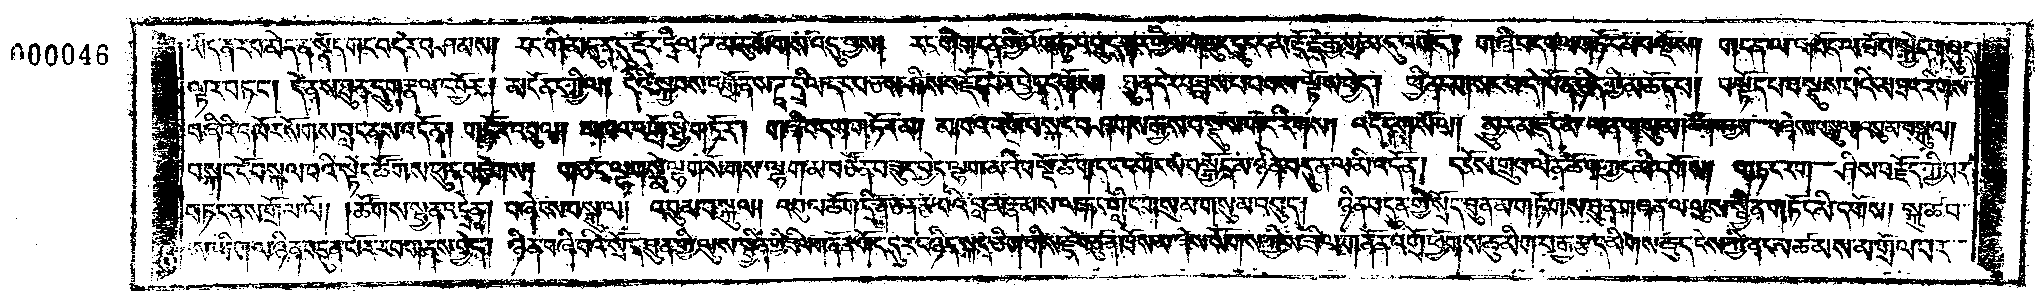ཡོད་ན་རབ་མེད་ན་སྣོད་གང་བདེར་བཤམས། རང་གི་མདུན་དུ་རྡོར་དྲི་ལགས་མ་རུ་སོགས་འདུ་བྱས། རང་གི་གདན་གྱི་འོག་ཏུ་འབྲུ་དཀར་གྱིས་གཡུང་དྲུང་ངམ་རྡོ་རྗེ་རྒྱ་གྲམ་དུ་འགོད། གཞི་བདག་ལ་གཏོར་མ་བསྔོས། གདན་ལ་འཁོད་ལ་ཐོབ་སྐྱེད་གཞུང་
ལྟར་བཏང་། དེ་ནས་ཐུན་དྲུག་རྣལ་འབྱོར། མངོན་དཀྱིལ། དེའི་སྐྱབས་འགྲོ་ནས་ཌཱ་དྲིལ་དང་བཅས་ཤིས་བརྗོད་པར་བྱེད་དགོས། ཐུན་དེར་བཟླས་པ་བབས་ལྟོས་བྱེད། ཕྱི་ནང་གསང་བ་དེ་ཁོ་ན་ཉིད་ཀྱི་མཆོད་པ། བསྟོད་པ་བསྡུས་པའི་མཐར་རིགས་
བཞིའི་འཁོར་སོགས་བླང་ནས་འདོན། གཏོར་འབུལ། མཁའ་འགྲོ་སྤྱི་གཏོར། གཞི་བདག་གཏོར་མ། མཁའ་འགྲོ་བསྐང་བཤགས་རྒྱས་བསྡུས་གང་རིགས། འདོད་གསོལ། མྱུར་མཛད་མ་ལན་གསུམ། ཚོགས་རྒྱས་བཞེངས་བསྐུལ། འབུམ་བསྐུལ།
བསྐང་ངོ་བསྐལ་བའི་སྟེར་ཚོགས་ཕུད་བཏེགས། གཙང་ལྷག་སྨེ་ལྷག་སོགས་ལྷག་མ་བཙོན་བཟུང་བྱེད་ལྷག་མའི་བསྔོ་ཆོ་ག་དང་དགོངས་བསྐྱོད་མ་ཉིན་བདུན་ལ་མི་འདོན། དངོས་གྲུབ་ལེན་ཆོ་ག་ཀྱང་མི་དགོས། གཏང་རག་ཤིས་བརྗོད་ཀྱི་བར་
བཏང་ནས་གྲོལ་ལོ། །ཚོགས་སྤྱན་འདྲེན། བཞེངས་བསྐུ་ལ། འབུམ་བསྐུལ། འབུལ་ཆོག་དྲིན་ཅན་རྩ་བའི་བླ་མ་རྣམས་ལ་རྐང་གླིང་གསུམ་གསུམ་འབུད། ཉིན་བདུན་གྱི་སྲོད་ཐུན་མ་གཏོགས་ཐུན་གཞན་ལ་ལུས་སྦྱིན་གཏོང་མི་དགོས། སྐུ་ཚབ་
ཨ་ཡིག་ལ་ཉིན་བདུན་པོར་རབ་གནས་བྱེད། ཉིན་བཞི་བའི་སྲོད་ཐུན་གྱི་ལུས་སྦྱིན་གྱི་ཟིལ་གནོན་གོང་དུ་རང་ཉིད་སྐད་ཅིག་གིས་རྗེ་བཙུན་ཁྲོས་མ་ཞེས་སོགས་ཀྱིས་ཟིལ་གནོན་འགྲོ་ཕྱོགས་ཆུ་མིག་བརྒྱ་རྩ་དམིགས་ཆུད་ངེས་ཀྱི་ནང་མཚམས་མ་གྲོལ་བར་